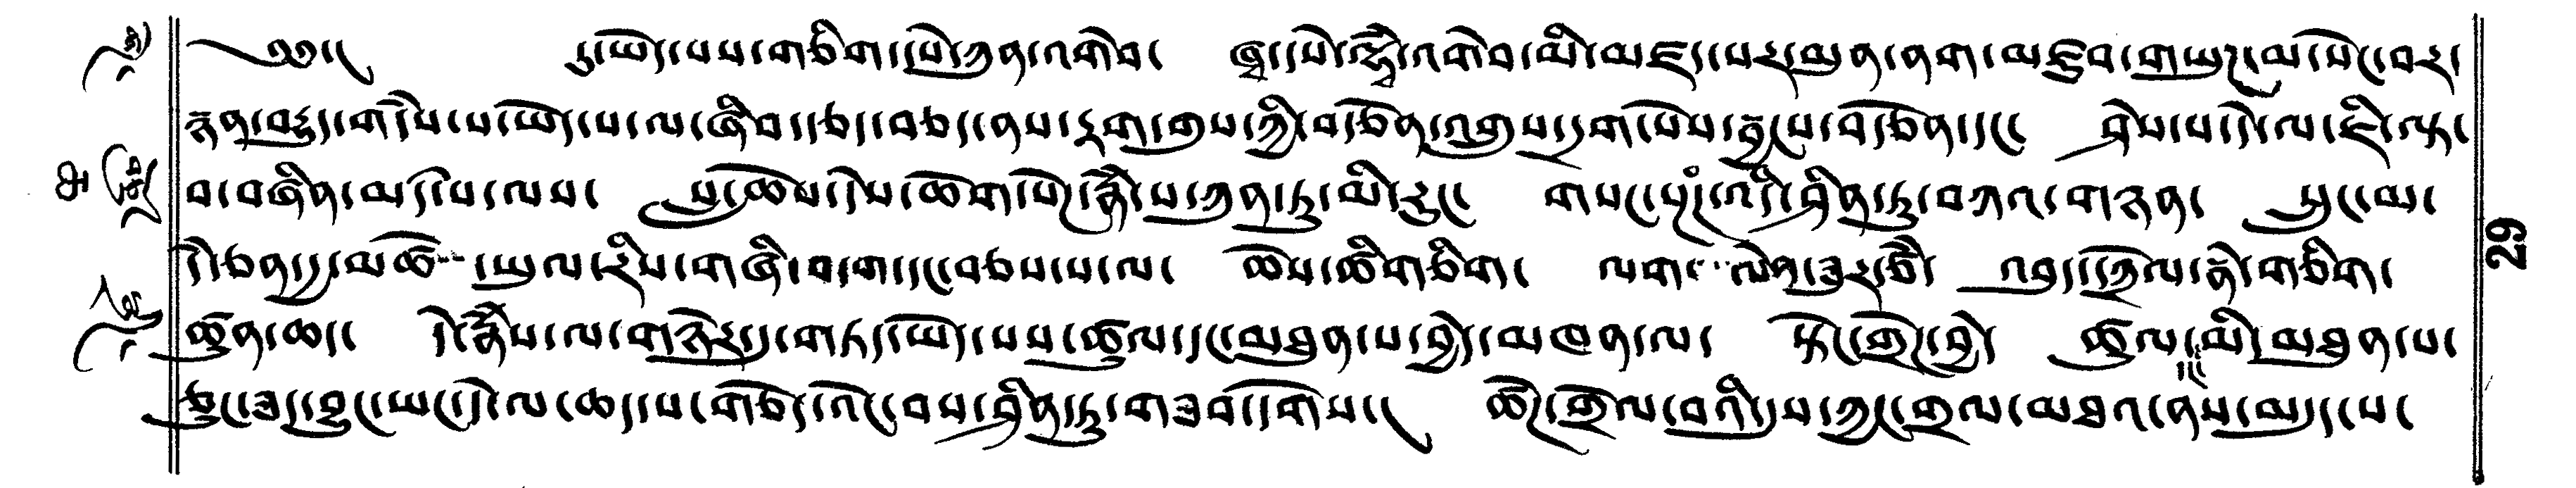དུ་ཡོད་པས་གཅིག་དཔེ་ཀུན་འགེབ། ཞྭ་དཔེ་ལྷྭམ་འགེབ། མུན་ནག་མཛུབ་གཡུགས་ལྟ་བུར་མ་སོང་བར་
སྙན་བརྒྱུད་ཀྱི་གདམས་པ་ཡོད་པ་ལ་ཞིབ་རྩད་བཅད་ནས་རྟག་གུས་ཀྱི་བརྩོན་འགྲུས་དྲག་པོས་སྦྱང་བརྩོན་དང་། ཤེས་པ་དེ་ལ་ག་ལེན་ཇི་ལྟ་
བ་བཞིན་མཛད་པ་ལས། བླ་ཆོས་དེས་ཆོག་སོགས་རྣམ་པ་ཀུན་ཏུ་མི་རུང་། གསང་སྔགས་འདི་ཤིན་ཏུ་བཀའ་གཉན། སྲུང་མ་
དམ་ཅན་རྒྱ་མཚོ་ཡུལ་རིས་གཞི་བདག་དང་བཅས་པ་ལ། ཆོས་ཚིག་གཅིག ལག་ལེན་ཟུར་ཙམ། འབུད་དཀྲོལ་སྣེ་གཅིག་
ཚུན་ཆད། དེ་རྣམས་ལ་གཉེར་དུ་གཏད་ཡོད་པས་ཚུལ་དང་མཐུན་པ་བྱེད་མཁན་ལ་སྟོང་གྲོགས་བྱེད། ཚུལ་དང་མི་མཐུན་པ་
ཅུང་ཟད་བྱུང་ཡང་དེ་ལ་ཆད་པ་གཅོད་འོང་བས་ཤིན་ཏུ་གཟབ་དགོས། ཚོགས་གྲོལ་བའི་དུས་ཀྱང་གྲལ་མཐའ་ནས་མདུད་པ་